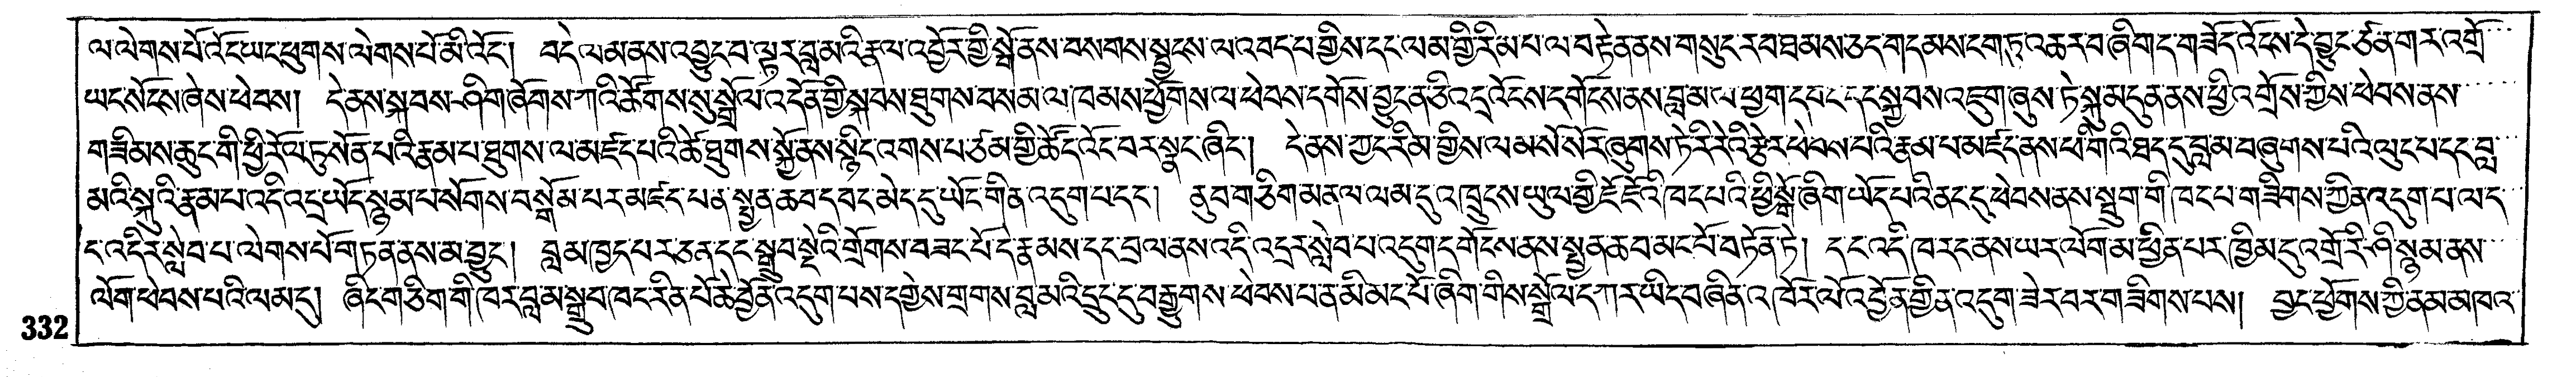ལ་ལེགས་པོ་འོང་ཡང་ཕུགས་ལེགས་པོ་མི་འོང་། བདེ་ལམ་ནས་འབྱུང་བ་ལྟར་བླ་མའི་རྣལ་འབྱོར་གྱི་སྒོ་ནས་བསགས་སྦྱངས་ལ་འབད་པ་གྱིས་དང་ལམ་གྱི་རིམ་པ་ལ་བརྟེན་ནས་གསུང་རབ་ཐམས་ཅད་གདམས་ངག་ཏུ་འཆར་བ་ཞིག་ད་གཟོད་འོངས་དེ་བྱུང་ཙན་གར་འགྲོ་
ཡང་སོངས་ཞེས་ཕེབས། དེ་ནས་སྐབས་ཤིག་ཞོགས་ཀའི་ཚོགས་སུ་སྒྲོལ་འདོན་གྱི་སྐབས་ཐུགས་བསམ་ལ་ཁམས་ཕྱོགས་ལ་ཕེབས་དགོས་བྱུང་ན་ཅི་འདྲ་འོངས་དགོངས་ནས་བླ་མ་ལ་ཕྱག་དབང་དང་སྐྱབས་འཇུག་ཞུས་ཏེ་སྐུ་མདུན་ནས་ཕྱི་འགྲོས་ཀྱིས་ཕེབས་ནས་
གཟིམས་ཆུང་གི་ཕྱི་རོལ་ཏུ་སོན་པའི་རྣམ་པ་ཐུགས་ལ་མཛད་པའི་ཚེ་ཐུགས་སྐྱོ་ནས་སྙིང་འགས་པ་ཙམ་གྱི་ཚོད་འོང་བར་སྣང་ཞིང་། དེ་ནས་ཀྱང་རིམ་གྱིས་ལམ་སོ་སོར་ཞུགས་ཏེ་རི་རེའི་རྩེར་ཕེབས་པའི་རྣམ་པ་མཛད་ནས་ཕི་གའི་ཐད་དུ་བླ་མ་བཞུགས་པའི་ལུང་པ་དང་བླ་
མའི་སྐུའི་རྣམ་པ་འདི་འདྲ་ཡོད་སྙམ་པ་སོགས་བསྒོམ་པར་མཛད་པན་སྤྱན་ཆབ་དབང་མེད་དུ་ཡོང་གིན་འདུག་པ་དང་། ནུབ་གཅིག་མནལ་ལམ་དུ་འཁྲུངས་ཡུལ་གྱི་ཇོ་ཇོའི་ཁང་པའི་ཕྱི་སྒོ་ཞིག་ཡོད་པའི་ནང་དུ་ཕེབས་ནས་སྦུག་གི་ཁང་པ་གཟིགས་ཀྱིན་འདུག་པ་ལད་
ང་འདིར་སླེབ་པ་ལེགས་པོ་གཏན་ནས་མ་བྱུང་། བླ་མ་ཁྱད་པར་ཅན་དང་སྒྲུབ་སྡེའི་གྲོགས་བཟང་པོ་དེ་རྣམས་དང་བྲལ་ནས་འདི་འདྲར་སླེབ་པ་འདུག་དགོངས་ནས་སྦྱན་ཆབ་མང་པོ་བཏོན་ཏེ། ད་ང་འདི་ཁ་རང་ནས་ཡར་ལོག་མ་ཕྱིན་པར་ཁྱིམ་དུ་འགྲོ་རི་ཤི་སྙམ་ནས་
ལོག་ཕེབས་པའི་ལམ་དུ། ཞིང་གཅིག་གི་ཁར་བླ་མ་སྒྲུབ་ཁང་རིན་པོ་ཆེ་བྱོན་འདུག་པས་དགྱེས་གྲགས་བླ་མའི་དྲུང་དུ་བརྒྱུགས་ཕེབས་པན་མི་མང་པོ་ཞིག་གིས་སྒྲོལ་དཀར་ཡིད་བཞིན་འཁོར་ལོ་འབྱོན་གྱིན་འདུག་ཟེར་བར་གཟིགས་པས། བྱང་ཕྱོགས་ཀྱི་ནམ་མཁའ་